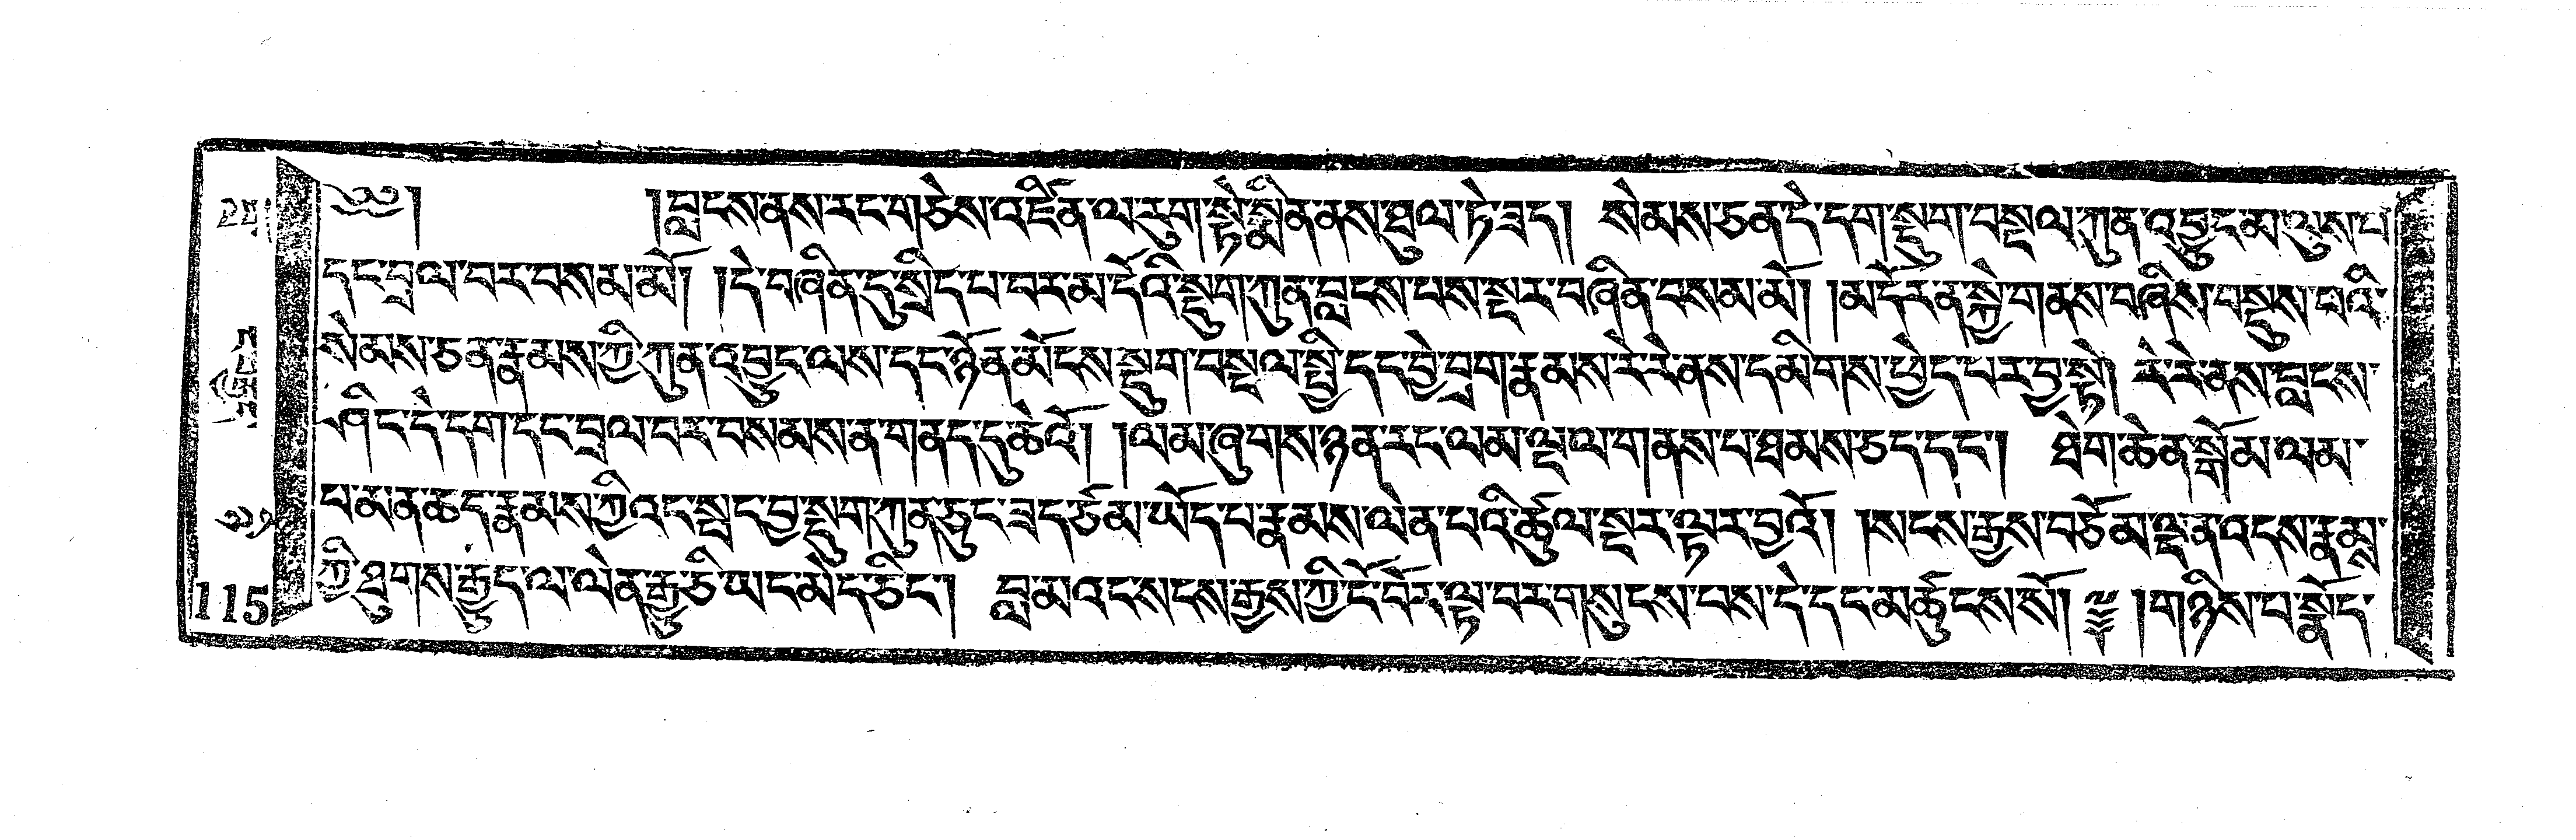༄༅། །བླངས་ནས་རང་གཅེས་འཛིན་ལ་རུག་སྟེ་སྨིན་ནས་ཐུལ་ཏེ་ཟད། སེམས་ཅན་དེ་དག་སྡུག་བསྔལ་ཀུན་འབྱུང་མ་ལུས་པ་
དང་བྲལ་བར་བསམ་མོ། །དེ་བཞིན་དུ་སྲིད་པ་བར་མ་དོའི་སྡུག་ཀུན་བླངས་པས་སྔར་བཞིན་བསམ་མོ། །མདོར་ན་སྐྱེ་གནས་བཞིས་བསྡུས་པའི་
སེམས་ཅན་རྣམས་ཀྱི་ཀུན་འབྱུང་ལས་དང་ཉོན་མོངས་སྡུག་བསྔལ་སྤྱི་དང་བྱེ་བྲག་རྣམས་རེ་རེ་ནས་དམིགས་ཕྱེད་པར་བྱ་སྟེ། རེ་རེ་ནས་བླངས་
ཤིང་དེ་དག་དང་བྲལ་བར་བསམས་ན་གནད་དུ་ཆེའོ། །ལམ་ཞུགས་ཉན་རང་ལམ་ལྔ་ལ་གནས་པ་ཐམས་ཅད་དང་། ཐེག་ཆེན་སྒོམ་ལམ་
པ་མན་ཆད་རྣམས་ཀྱིའང་སྤང་བྱ་སྡུག་ཀུན་ཅུང་ཟད་ཙམ་ཡོད་པ་རྣམས་ལེན་པའི་ཚུལ་སྔར་ལྟར་བྱའོ། །སངས་རྒྱས་བཅོམ་ལྡན་འདས་རྣམས་
ཀྱི་ཐུགས་རྒྱུད་ལ་ལེན་རྒྱུ་ཅི་ཡང་མེད་ཅིང་། བླ་མའང་སངས་རྒྱས་ཀྱི་ངོ་བོར་ལྟ་བར་གསུངས་པས་དེ་དང་མཚུངས་སོ། ༈ །གཉིས་པ་སྣོད་